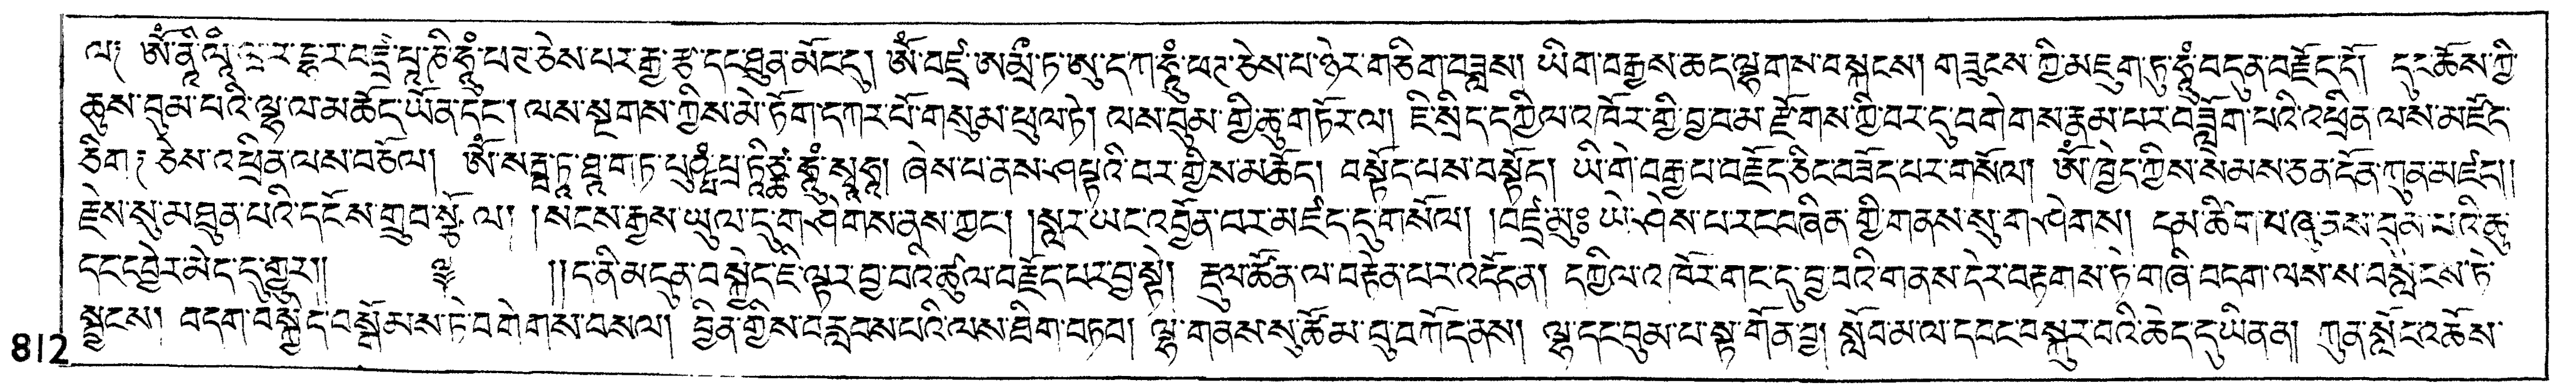ལ༑ ཨོཾ་ནཱི་ལཱཾ་ཝ་ར་དྷ་ར་བཛྲ་པཱ་ཎི་ཧཱུཾ་ཕཊ་ཅེས་པར་རྒྱ་རྩ་དང་ཐུན་མོང་དུ། ཨོཾ་བཛྲ་ཨམྲྀ་ཏ་ཨུ་ད་ཀ་ཧཱུཾ་ཕཊ་ཅེས་པ་ཉེར་གཅིག་བཟླས། ཡིག་བརྒྱས་ཆད་ལྷགས་བསྐངས། གཟུངས་ཀྱི་མཇུག་ཏུ་ཧཱུཾ་བདུན་བརྗོད་དོ། །དུང་ཆོས་ཀྱི་
ཆུས་བུམ་པའི་ལྷ་ལ་མཆོད་ཡོན་དང་། ལས་སྔགས་ཀྱིས་མེ་ཏོག་དཀར་པོ་གསུམ་ཕུལ་ཏེ། ལས་བུམ་གྱི་ཆུ་གཏོར་ལ། ཇི་སྲིད་དཀྱིལ་འཁོར་གྱི་བྱ་བ་མ་རྫོགས་ཀྱི་བར་དུ་བགེགས་རྣམ་པར་བཟློག་པའི་འཕྲིན་ལས་མཛོད་
ཅིག ༑ཅེས་འཕྲིན་ལས་བཅོལ། ཨོཾ་སརྦྦ་ཏཱ་ཐཱ་ག་ཏ་པུཥྤཾ་པྲ་ཏཱིཙྪ་ཧཱུཾ་སྭཱཧཱ། ཞེས་པ་ནས་ཤཔྟའི་བར་གྱིས་མཆོད། བསྟོད་པས་བསྟོད། ཡི་གེ་བརྒྱ་པ་བརྗོད་ཅིང་བཟོད་པར་གསོལ། ཨོཾ་ཁྱེད་ཀྱིས་སེམས་ཅན་དོན་ཀུན་མཛད། །
རྗེས་སུ་མཐུན་པའི་དངོས་གྲུབ་སྩོལ། །སངས་རྒྱས་ཡུལ་དུ་གཤེགས་ནས་ཀྱང་། །སླར་ཡང་འབྱོན་པར་མཛད་དུ་གསོལ། །བཛྲ་མུཿ ཡེ་ཤེས་པ་རང་བཞིན་གྱི་གནས་སུ་གཤེགས། དམ་ཚིག་པ་ཞུ་ནས་བུམ་པའི་ཆུ་
དང་དབྱེར་མེད་དུ་གྱུར།། ༈ །།ད་ནི་མདུན་བསྐྱེད་ཇི་ལྟར་བྱ་བའི་ཚུལ་བརྗོད་པར་བྱ་སྟེ། རྡུལ་ཚོན་ལ་བརྟེན་པར་འདོད་ན། དཀྱིལ་འཁོར་གང་དུ་བྱ་བའི་གནས་དེར་བརྟགས་ཏེ་གཞི་བདག་ལས་ས་བསླངས་ཏེ་
སྦྱངས། བདག་བསྐྱེད་བསྒོམས་ཏེ་བགེགས་བསལ། བྱིན་གྱིས་བརླབས་པའི་ལས་ཐིག་བཏབ། ལྷ་གནས་སུ་ཚོམ་བུ་བཀོད་ནས། ལྷ་དང་བུམ་པ་སྟ་གོན་བྱ། སློབ་མ་ལ་དབང་བསྐུར་བའི་ཆེད་དུ་ཡིན་ན། ཀུན་སློང་འཆོས་